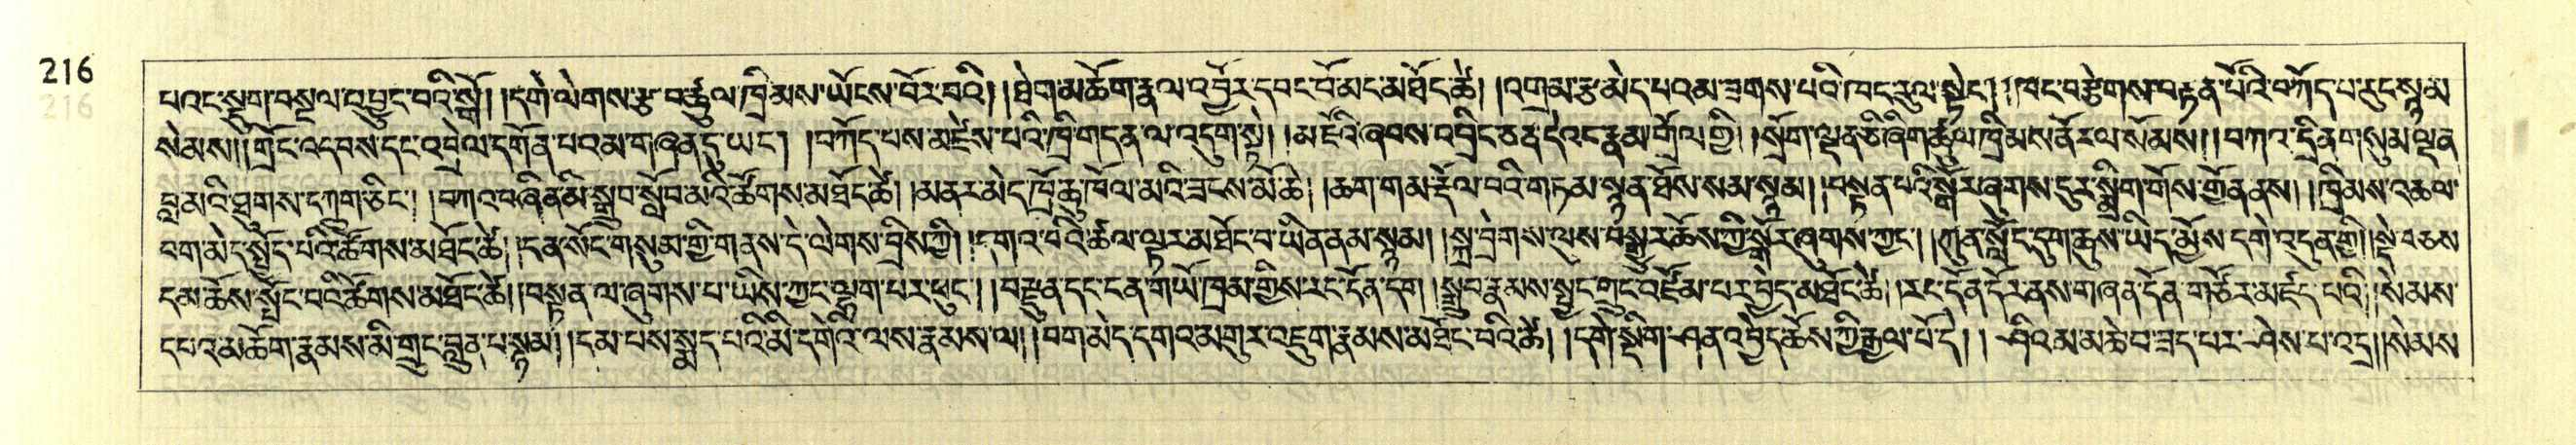པའང་སྡུག་བསྔལ་འབྱུང་བའི་སྒོ། །དགེ་ལེགས་རྩ་བ་ཚུལ་ཁྲིམས་ཡོངས་པོར་བའི། །ཐེག་མཆོག་རྣལ་འབྱོར་དབང་བོ་མང་མཐོང་ཚེ། །འགྲམ་རྩ་མེད་པའམ་ཟགས་པའི་ཁང་རུལ་སྟེང་། །ཁང་བརྩེགས་བརྟན་པོའི་བཀོད་པ་རུང་སྙམ་
སེམས། །གྲོང་འདབས་དང་འབྲེལ་དགོན་པའམ་གཞན་དུ་ཡང་། །བཀོད་པས་མཛེས་པའི་ཁྲི་གདན་ལ་འདུག་སྟེ། །མཇོའི་ཞབས་འབྲིང་ཅན་དེའང་རྣམ་གྲོལ་གྱི། །སྲོག་ལྡན་ཅི་ཞིག་ཚུལ་ཁྲིམས་ནོར་ལ་སོམས། །བཀའ་དྲིན་གསུམ་ལྡན་
བླ་མའི་ཐུགས་དཀྲུག་ཅིང་། །བཀའ་བཞིན་མི་སྒྲུབ་སློབ་མའི་ཚོགས་མཐོང་ཚེ། །མནར་མེད་ཁྲོ་ཆུ་ཁོལ་མའི་ཟངས་མོ་ཆེ། །ཆག་གམ་རྡོལ་བའི་གཏམ་སྙན་ཐོས་སམ་སྙམ། །བསྟན་པའི་སྒོར་ཞུགས་དུར་སྨྲིག་གོས་གྱོན་ནས། །ཁྲིམས་འཆལ་
བག་མེད་སྤྱོད་པའི་ཚོགས་མཐོང་ཚེ། །ངན་སོང་གསུམ་གྱི་གནས་དེ་ལེགས་བྲིས་ཀྱི། །དགའ་བའི་ཚལ་ལྟར་མཐོང་བ་ཡིན་ནམ་སྙམ། །སྐྲ་བྲེགས་ལུས་བསྒྱུར་ཆོས་ཀྱི་སྒོར་ཞུགས་ཀྱང་། །ཀུན་སློང་དུག་ཆུས་ཡིད་མྱོས་དགེ་འདུན་གྱི། །སྡེ་བཅས་
དམ་ཆོས་སྤོང་པའི་ཚོགས་མཐོང་ཚེ། །བསྟན་ལ་ཞུགས་པ་ཡིས་ཀྱང་ལྷག་པར་ཕུང་། །བརྫུན་དང་ངན་གཡོ་ཁྲམ་གྱིས་རང་དོན་དག །སྒྲུབ་རྣམས་སྤྱང་གྲུང་འཛོམ་པར་བྱེད་མཐོང་ཚེ། །རང་དོན་དོར་ནས་གཞན་དོན་གཙོར་མཛད་པའི། །སེམས་
དཔའ་མཆོག་རྣམས་མི་གླུང་བླུན་པ་སྙམ། །དམ་པས་སྨད་པའི་མི་དགེའི་ལས་རྣམས་ལ། །བག་མེད་དགའ་མགུར་འཇུག་རྣམས་མཐོང་བའི་ཚེ། །དགེ་སྡིག་ཤན་འབྱེད་ཆོས་ཀྱི་རྒྱལ་པོ་དེ། །ཤིའམ་མཆེ་བ་ཟད་པར་ཤེས་པ་འདྲ། །སེམས་